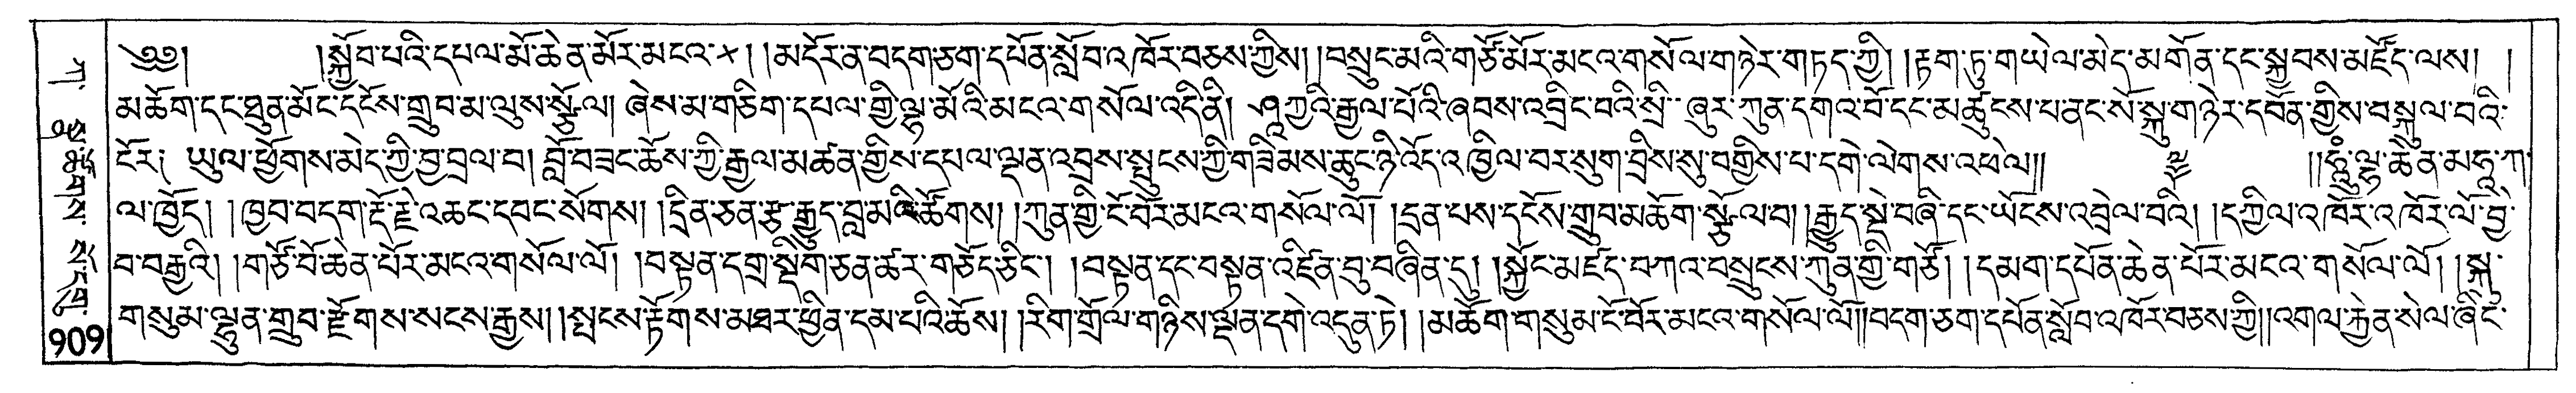༄༅། །སྐྱོབ་པའི་དཔལ་མོ་ཆེན་མོར་མངའ་྾། །མདོར་ན་བདག་ཅག་དཔོན་སློབ་འཁོར་བཅས་ཀྱིས། །བསྲུང་མའི་གཙོ་མོར་མངའ་གསོལ་གཉེར་གཏད་ཀྱི། །རྟག་ཏུ་གཡེལ་མེད་མགོན་དང་སྐྱབས་མཛོད་ལས།།
མཆོག་དང་ཐུན་མོང་དངོས་གྲུབ་མ་ལུས་སྩོལ། ཞེས་མ་གཅིག་དཔལ་གྱི་ལྷ་མོའི་མངའ་གསོལ་འདི་ནི། ཤཱཀྱའི་རྒྱལ་པོའི་ཞབས་འབྲིང་བའི་སྲི་ཞུར་ཀུན་དགའ་བོ་དང་མཚུངས་པ་ནང་སོ་སྐུ་གཉེར་དབོན་གྱིས་བསྐུལ་བའི་
ངོར༑ ཡུལ་ཕྱོགས་མེད་ཀྱི་བྱ་བྲལ་བ། བློ་བཟང་ཆོས་ཀྱི་རྒྱལ་མཚན་གྱིས་དཔལ་ལྡན་འབྲས་སྤུངས་ཀྱི་གཟིམས་ཆུང་ཉི་འོད་འཁྱིལ་བར་སུག་བྲིས་སུ་བགྱིས་པ་དགེ་ལེགས་འཕེལ།། ༈ །།ཧཱུཾ་ལྷ་ཆེན་མཧཱ་ཀ་
ལ་ཁྱོད། །ཁྱབ་བདག་རྡོ་རྗེ་འཆང་དབང་སོགས། །དྲིན་ཅན་རྩ་རྒྱུད་བླ་མའི་ཚོགས། །ཀུན་གྱི་ངོ་བོར་མངའ་གསོལ་ལོ། །དྲན་པས་དངོས་གྲུབ་མཆོག་སྩོལ་བ། །རྒྱུད་སྡེ་བཞི་དང་ཡོངས་འབྲེལ་བའི། །དཀྱིལ་འཁོར་འཁོར་ལོ་བྱེ་
བ་བརྒྱའི། །གཙོ་བོ་ཆེན་པོར་མངའ་གསོལ་ལོ། །བསྟན་དགྲ་སྡིག་ཅན་ཚར་གཅོད་ཅིང་། །བསྟན་དང་བསྟན་འཛིན་བུ་བཞིན་དུ། །སྐྱོང་མཛད་བཀའ་བསྲུངས་ཀུན་གྱི་གཙོ། །དམག་དཔོན་ཆེན་པོར་མངའ་གསོལ་ལོ། །སྐུ་
གསུམ་ལྷུན་གྲུབ་རྫོགས་སངས་རྒྱས། །སྤངས་རྟོགས་མཐར་ཕྱིན་དམ་པའི་ཆོས། །རིག་གྲོལ་གཉིས་ལྡན་དགེ་འདུན་ཏེ། །མཆོག་གསུམ་ངོ་བོར་མངའ་གསོལ་ལོ། །བདག་ཅག་དཔོན་སློབ་འཁོར་བཅས་ཀྱི། །འགལ་རྐྱེན་སེལ་ཞིང་